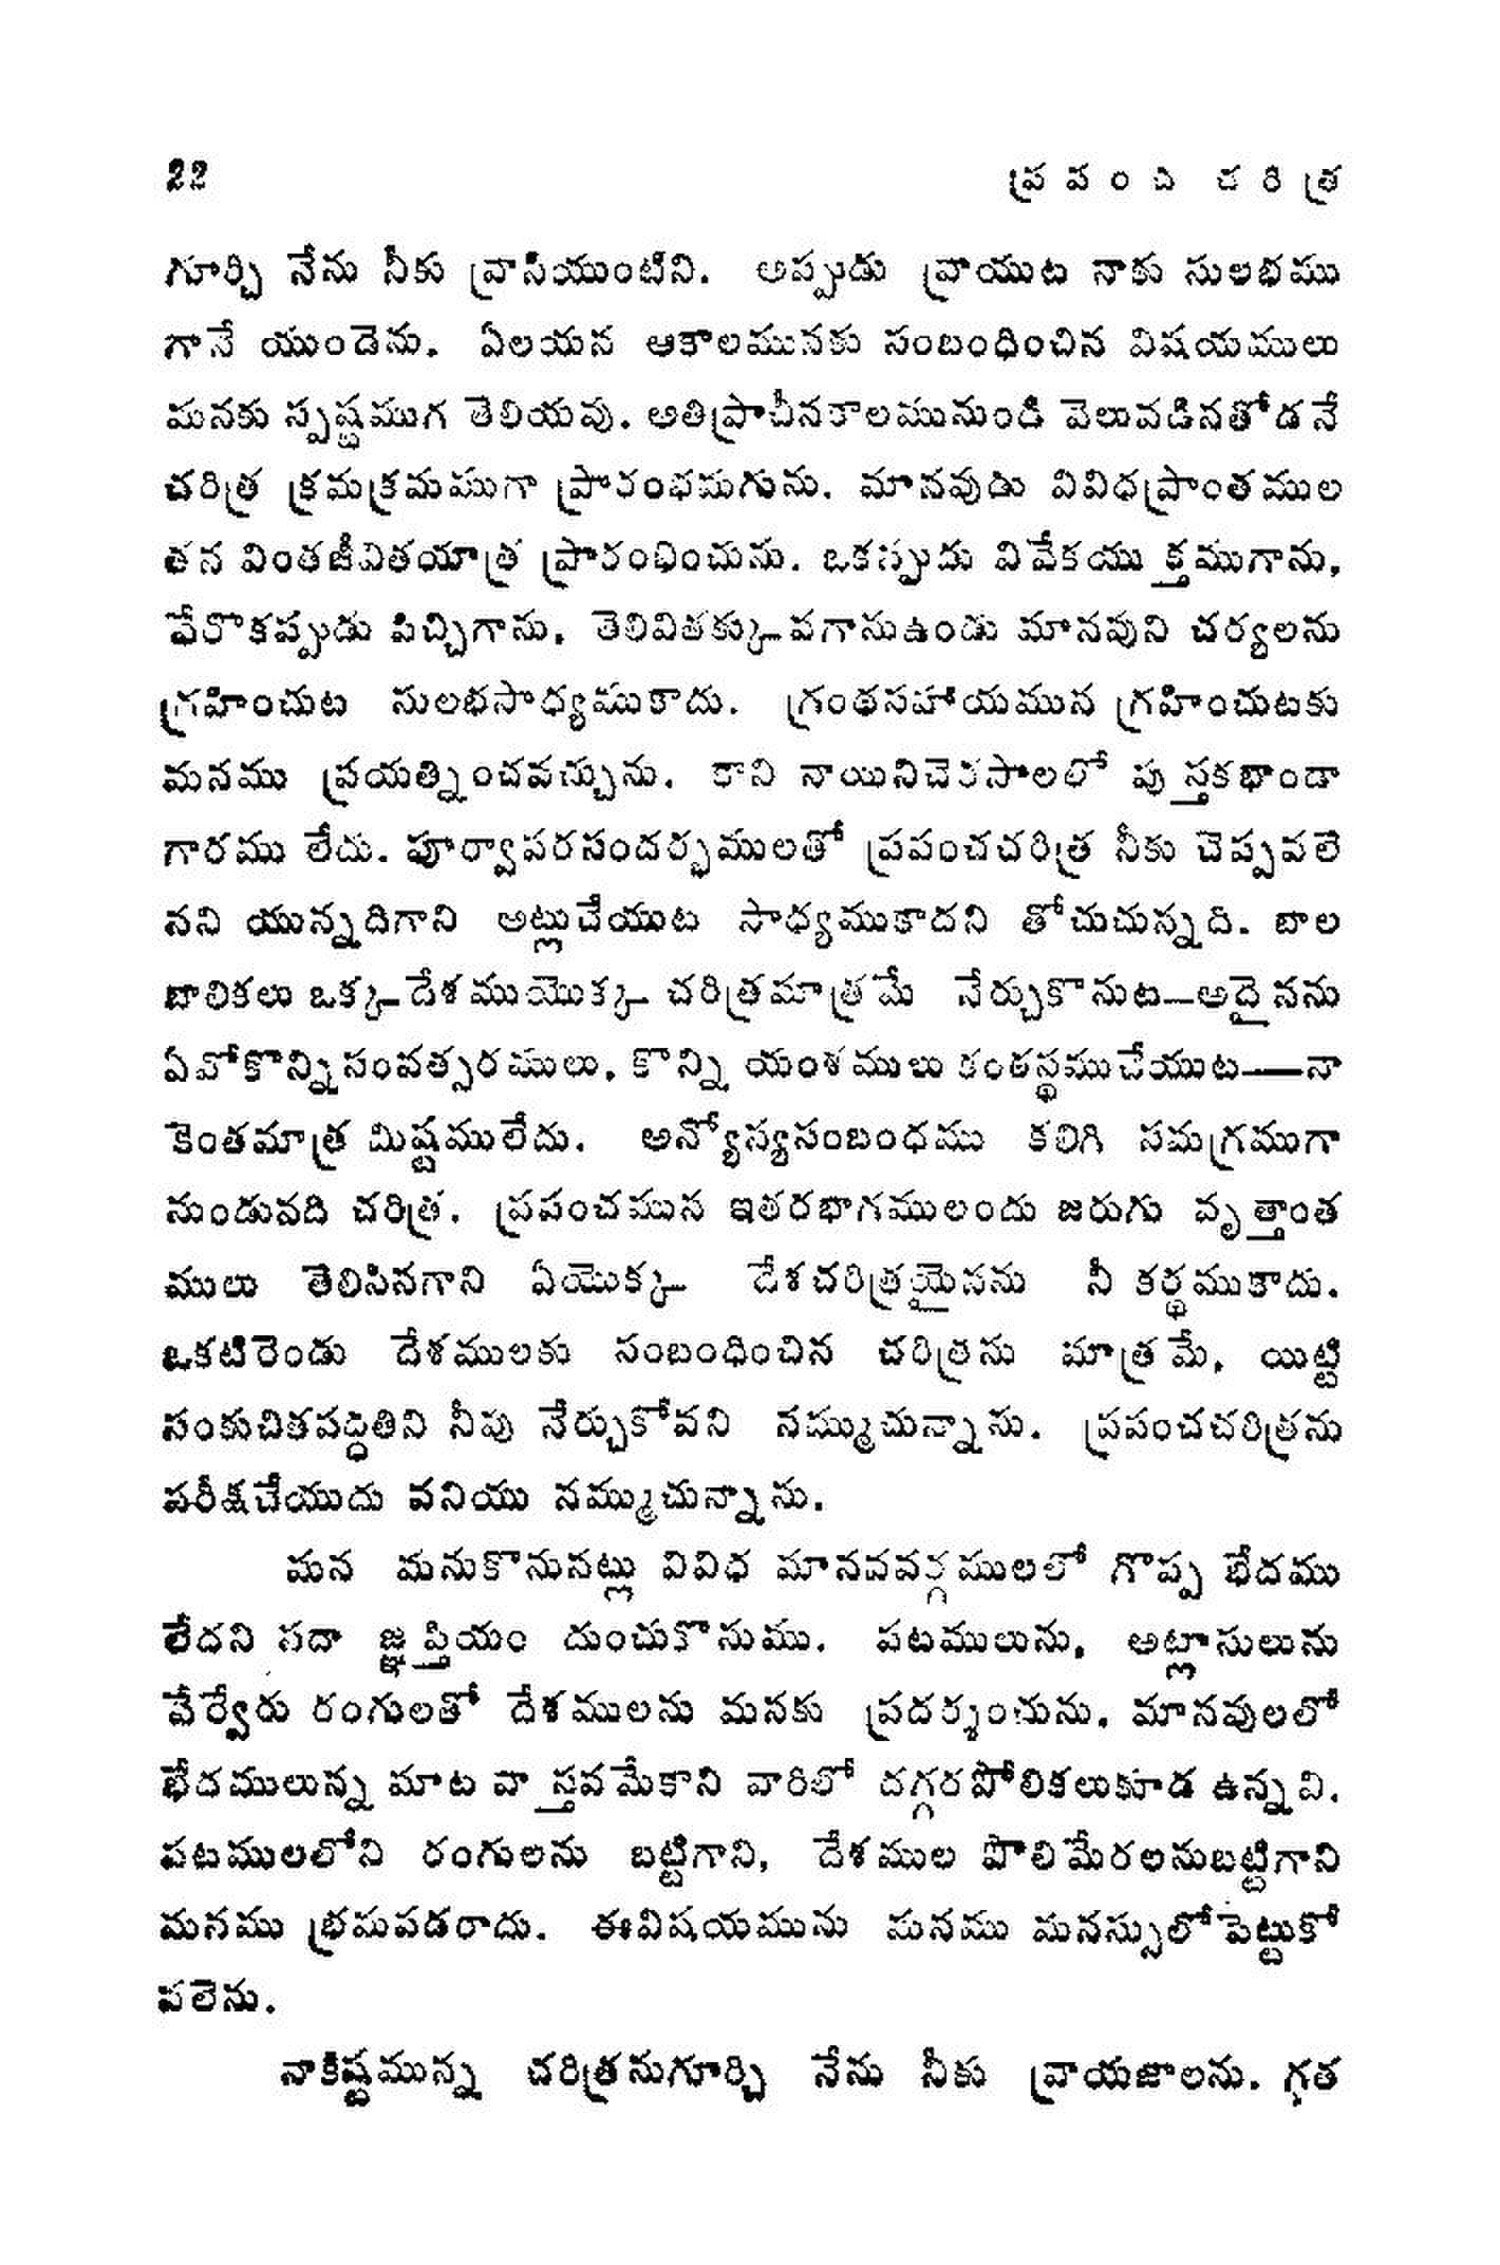గూర్చి నేను నీకు వ్రాసియుంటిని. అప్పుడు వ్రాయుట నాకు సులభముగానే యుండెను. ఏలయన ఆకాలమునకు సంబంధించిన విషయములు మనకు స్పష్టముగ తెలియవు. అతి ప్రాచీనకాలమునుండి వెలువడినతోడనే చరిత్ర క్రమక్రమముగా ప్రారంభమగును, మానవుడు ఏవిధ ప్రాంతముల తన వింతజీవితయాత్ర ప్రారంభించును. ఒకప్పుడు వివేకయుక్తముగాను, వేరొకప్పుడు పిచ్చిగాను, తెలివితక్కువగాను ఉండు మానవుని చర్యలను గ్రహించుట సులభసాధ్యముకాదు. గ్రంథసహాయమున గ్రహించుటకు మనము ప్రయత్నించవచ్చును. కాని నాయినిచెరసాలలో పుస్తకభాండాగారము లేదు. పూర్వాపరసందర్భములతో ప్రపంచచరిత్ర నీకు చెప్పవలేనని యున్నదిగాని అట్లుచేయుట సాధ్యముకాదని తోచుచున్నది. బాల బాలికలు ఒక్క దేశముయొక్క చరిత్ర మాత్రమే నేర్చుకొనుట - అదైనను ఏవో కొన్ని సంవత్సరములు, కొన్ని యంశములు కంఠస్థము చేయుట - నా కెంతమాత్ర మిష్టములేదు. అన్యోన్యసంబంధము కలిగి సమగ్రముగా నుండునది చరిత్ర . ప్రపంచమున ఇతరభాగములందు జరుగు వృత్తాంతములు తెలిసినగాని ఏయొక్క దేశచరిత్రయైనను నీ కర్థముకాదు. ఒకటిరెండు దేశములకు సంబంధించిన చరిత్రను మాత్రమే, యిట్టి సంకుచికపద్ధతిని నీవు నేర్చుకోవని నమ్ముచున్నాను. ప్రపంచచరిత్రను పరీక్షచేయుదు వనియు నమ్ముచున్నాను.

మన మనుకొనునట్లు వివిధ మానవవర్గములలో గొప్ప భేదము లేదని సదా జ్ఞప్తియం దుంచుకొనుము. పటములును, అట్లాసులును వేర్వేరు రంగులతో దేశములను మనకు ప్రదర్శంచును. మానవులలో భేదములున్న మాట వాస్తవమేకాని వారిలో దగ్గర పోలికలుకూడ ఉన్నవి. పటములలోని రంగులను బట్టిగాని, దేశముల పొలిమేరలనుబట్టిగాని మనము భ్రమపడరాదు. ఈవిషయమును మనము మనస్సులో పెట్టుకో పలెను.

నాకిష్టమున్న చరిత్ర నుగూర్చి నేను నీకు వ్రాయజాలను. గత